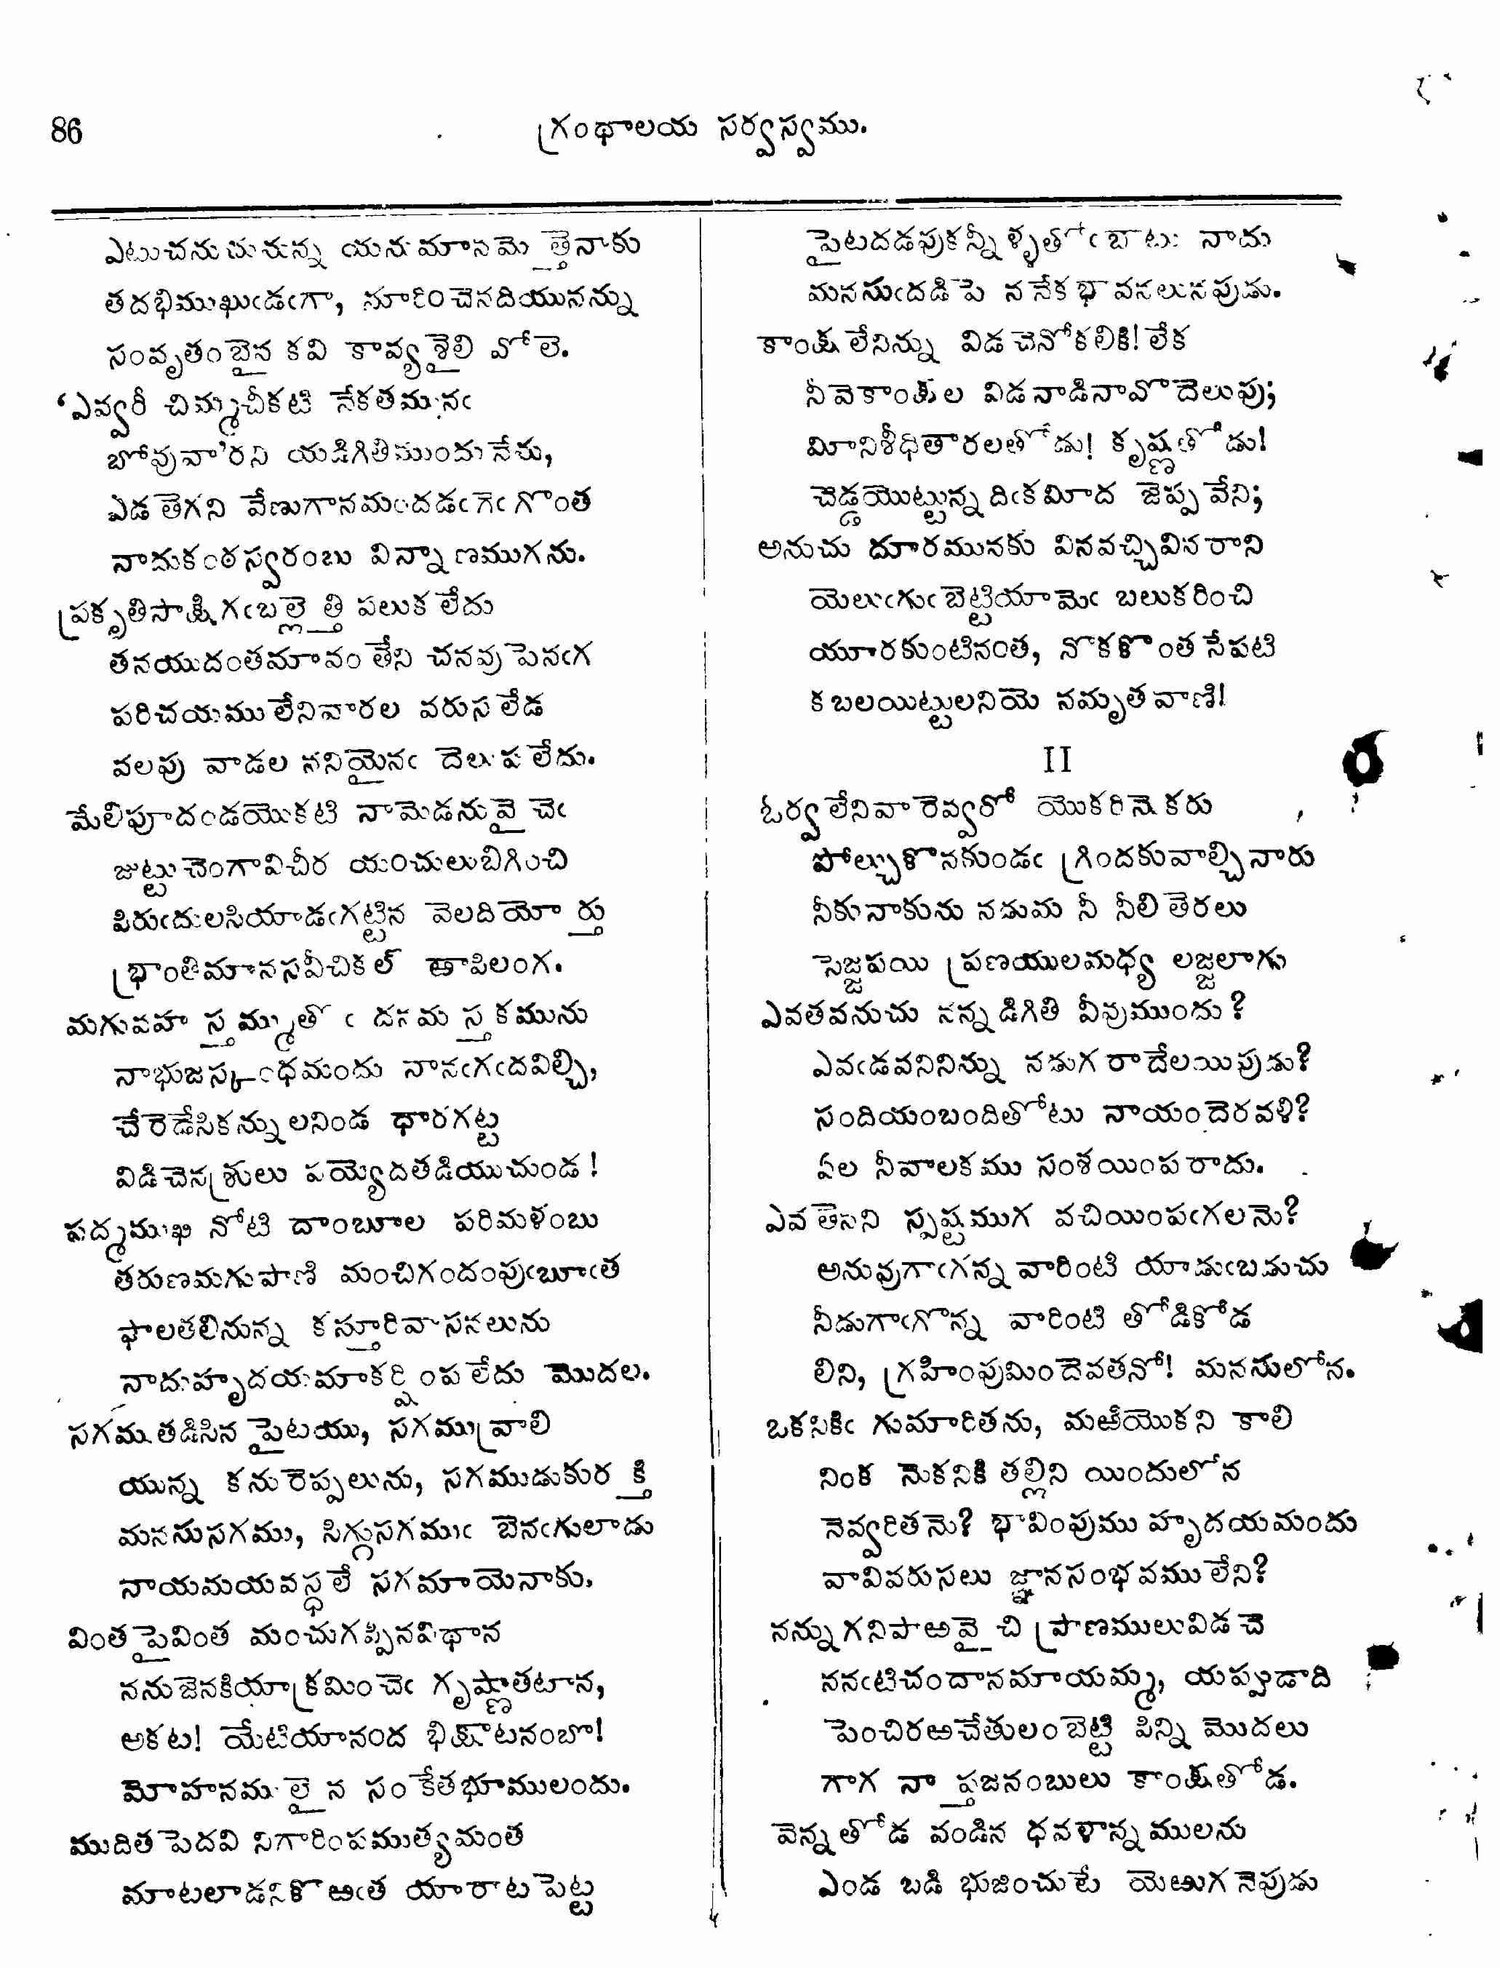ఎటుచనుచునున్న యనుమానమె తెనాకు
తదభిముఖుఁడఁగా, నూరించెనదియునన్ను
సంవృతంబైన కవి కావ్యశైలి వోలె. 
‘ఎవ్వరీ చిమ్మచీకటి నేకతమ నఁ
బోవువా'రని యడిగితి ముందు నేను,
ఎడతెగని వేణుగానము దడఁగెఁ గొంత
నాదుకంఠస్వరంబు విన్నాణముగను. 
ప్రకృతిసాక్షిగఁబల్లెత్తి పలుకలేదు
తనయుదంతమానం తేని చనవు పెనఁగ
పరిచయము లేనివారల వరుసలేడ
వలపు వాడల ననియైనఁ దెలుప లేదు. 
మేలిపూదండయొకటి నామెడనుపై చెల
జుట్టు చెంగావి చీర యంచులు బిగించి
పిరుఁదులసియాడఁగట్టిన వెలదియోరు
భ్రాంతిమానసవీచికల్ తాపిలంగ 
మగువహస్తమ్ముతోఁఁ దనమస్తకమును
నాభుజస్కంధమందు నానఁగఁదవిల్చి,
చేరెడేసికన్నులనిండ ధారగట్ట
విడిచెనశ్రులు పయ్యెదితడియు చుండ! 
పద్మముఖి నోటి దాంబూల పరిమళంబు
తరుణమగుపాణి మంచిగందం పుఁబూఁత
ఫాలతలినున్న కస్తూరి వాసనలును
నాదుహృదయమాకర్షింపలేదు మొదలు. 
సగమ తడిసిన పైటయు, సగమువ్రాలి
యున్న కనురెప్పలును, సగముడుకురక్తి 
మనసుసగము, సిగ్గుసగముఁ బెనఁగులాడు
నాయమయవస్ధలే సగమాయెనాకు, 
వింతపైవింత మంచుగప్పిన విధాన
ననుజెనకియాక్రమించెఁ గృష్ణాతటాన,
అకట! యేటియానంద భిక్షాటనంబొ!
మోహనము లైన సంకేతభూములందు. 
ముదిత పెదవి నిగారింపముత్యమంత
మాటలాడనిఱఁత యారాట పెట్ట
పైటదడపు కన్నీళ్ళతో ఁ బాట నాదు
మనసుఁదడి పె న నేక భావనలునపుడు. 
కాంక్ష లేనిన్ను విడ చెనోకలికి! లేక
నీవెకాంక్షల విడనాడినావొ దెలుపు;
మీనిశీధితారలతోడు! కృష్ణతోడు!
చెడ్డయొట్టున్న దిఁక మీద జెప్ప వేసి; 
అనుచు దూరమునకు వినవచ్చి వినరాని
యెలుఁగుఁ బెట్టియామెఁ బలుకరించి
యూరకుంటినంత, నొకకొంతసేపటి
క బలయిట్టులనియె నమృతవాణి! 

ఓర్వలేనివారెవ్వరో యొకరినొకరు
పోల్చుకొనకుండఁ గ్రిందకు వాల్చినారు
నీకు నాకును నడుమ నీ నీలి తెరలు
సెజ్జపయి ప్రణయుల మధ్య లజ్జలాగు 
ఎవతవనుచు నన్నడిగితి వీవుముందు ?
ఎవఁడవనినిన్ను నడుగ రాదేల యిపుడు?
సందియంబందితోటు నాయందెరవళి?
ఏల నీవాలకము సంశయింపరాదు. 
ఎవతెనని స్పష్టముగ వచియింపఁగలను?
అనువుగాఁగన్న వారింటి యాడుఁబడుచు
నీడుగాఁగొన్న వారింటి తోడికోడ
లిని, గ్రహింపుమిందెవతనో! మనసులోన 
ఒకనికిఁ గుమారితను, మఱియొకని కాలి
నింక నెుకనికి తల్లిని యిందులోన
నెవ్వరితనె? భావింపుము హృదయమందు
వావివరుసలు జ్ఞానసంభవము లేని? 
నన్ను గనిపాఱవైచి ప్రాణములువిడ చె
ననఁటిచందానమాయమ్మ, యప్పుడాది
పెంచిరఱచేతులం బెట్టి పిన్ని మొదలు
గాగ నా ప్తజనంబులు కాంక్షతోడ. 
వెన్నతోడ వండిన ధవళాన్నములను
ఎండ బడి భుజించుటే యెఱుగ నెపుడు